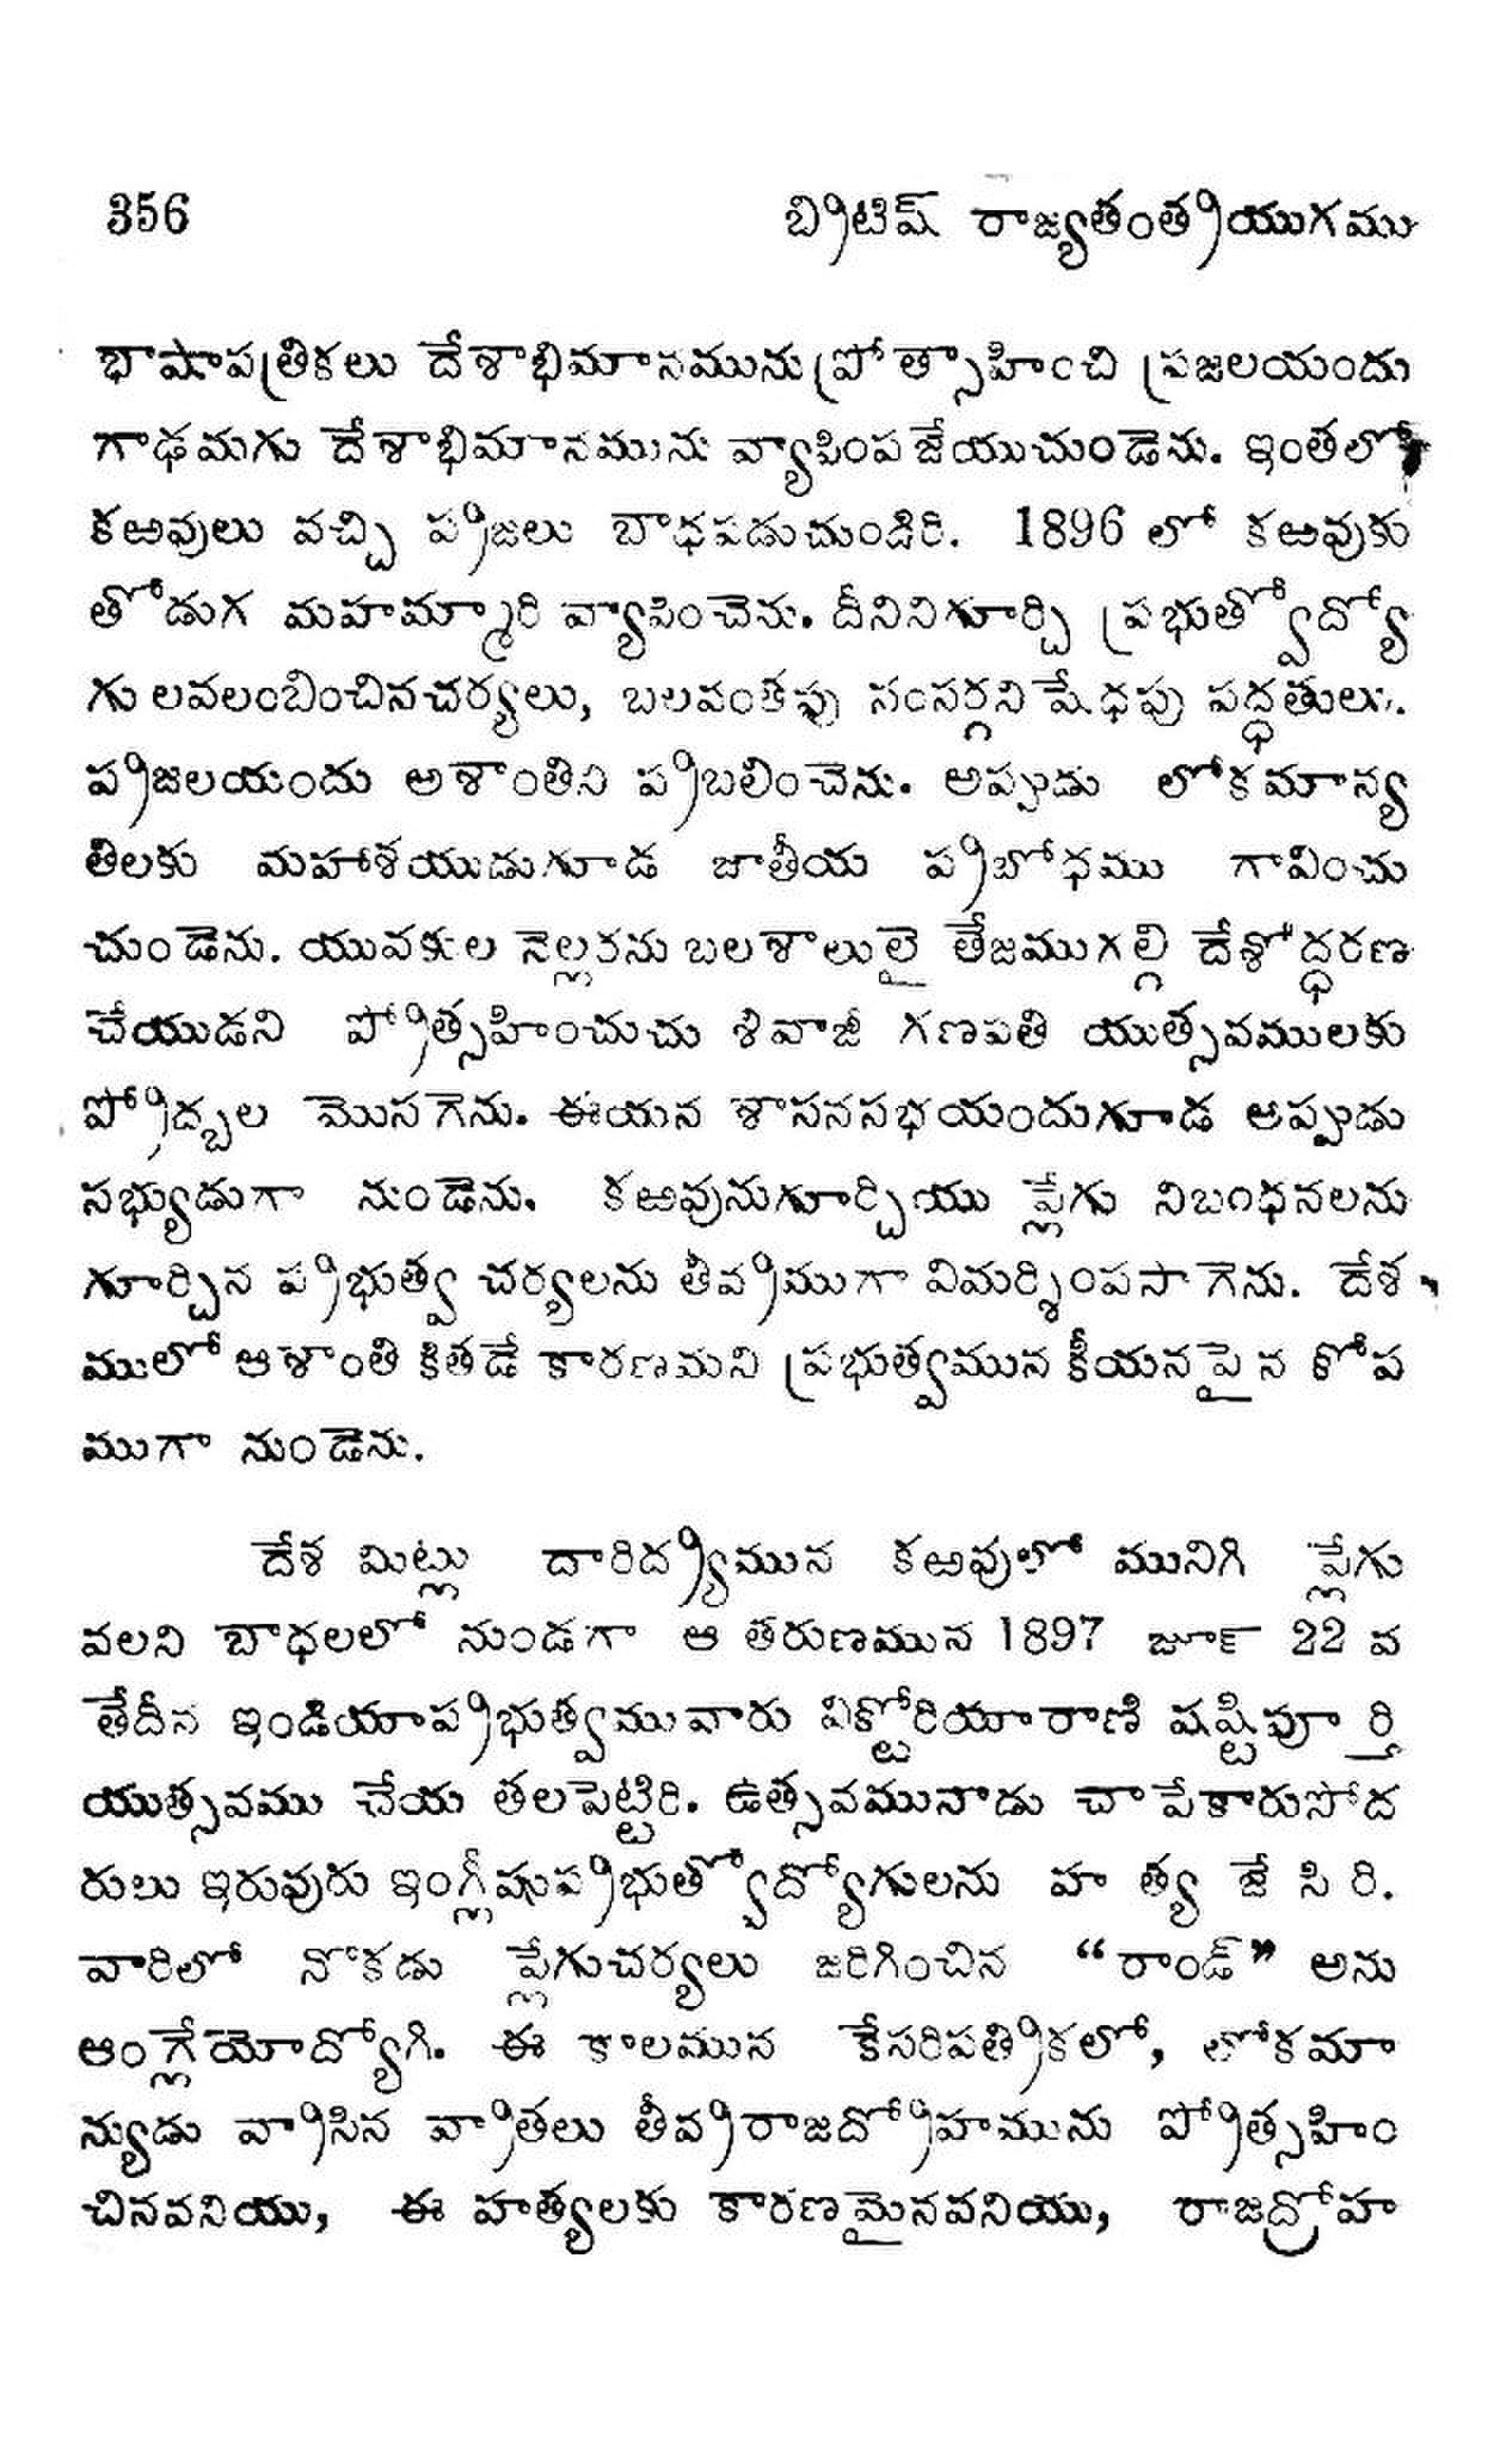భాషాపత్రికలు దేశాభిమానమును ప్రోత్సాహించి ప్రజలయందు గాఢమగు దేశాభిమానమును వ్యాపింప జేయుచుండెను. ఇంతలో కఱవులు వచ్చి ప్రజలు బాధపడుచుండిరి. 1896 లో కఱవుకు తోడుగ మహమ్మారి వ్యాపించెను. దీనినిగూర్చి ప్రభుత్వోద్యోగు లవలంబించినచర్యలు, బలవంతపు సంసర్గనిషేధపు పద్దతులు.. ప్రజలయందు అశాంతిని ప్రబలించెను. అప్పుడు లోకమాన్య తిలకు మహాశయుడుగూడ జాతీయ ప్రబోధము గావించుచుండెను. యువకుల నెల్లరను బలశాలులై తేజముగల్గి దేశోద్ధరణ చేయుడని ప్రోత్సహించుచు శివాజీ గణపతి యుత్సవములకు ప్రోద్బల మొసగెను. ఈయన శాసనసభయందుగూడ అప్పుడు సభ్యుడుగా నుండెను. కఱవునుగూర్చియు ప్లేగు నిబంధనలను గూర్చిన ప్రభుత్వ చర్యలను తీవ్రముగా విమర్శింపసాగెను. దేశములో అశాంతి కితడే కారణమని ప్రభుత్వమున కీయనపైన కోపముగా నుండెను.

దేశ మిట్లు దారిద్ర్యమున కఱవులో మునిగి ప్లేగు వలని బాధలలో నుండగా ఆ తరుణమున 1897 జూన్ 22 వ తేదీన ఇండియాప్రభుత్వమువారు విక్టోరియారాణి షష్టిపూర్తి యుత్సవము చేయ తలపెట్టిరి. ఉత్సవమునాడు చాపేకారుసోదరులు ఇరువురు ఇంగ్లీషు ప్రభుత్వోద్యోగులను హత్య జేసిరి. వారిలో నొకడు ప్లేగుచర్యలు జరిగించిన "రాండ్" అను ఆంగ్లేయోద్యోగి. ఈ కాలమున కేసరిపత్రికలో, లోకమాన్యుడు వ్రాసిన వ్రాతలు తీవ్రరాజద్రోహమును పోత్సహించినవనియు, ఈ హత్యలకు కారణమైనవనియు, రాజద్రోహ